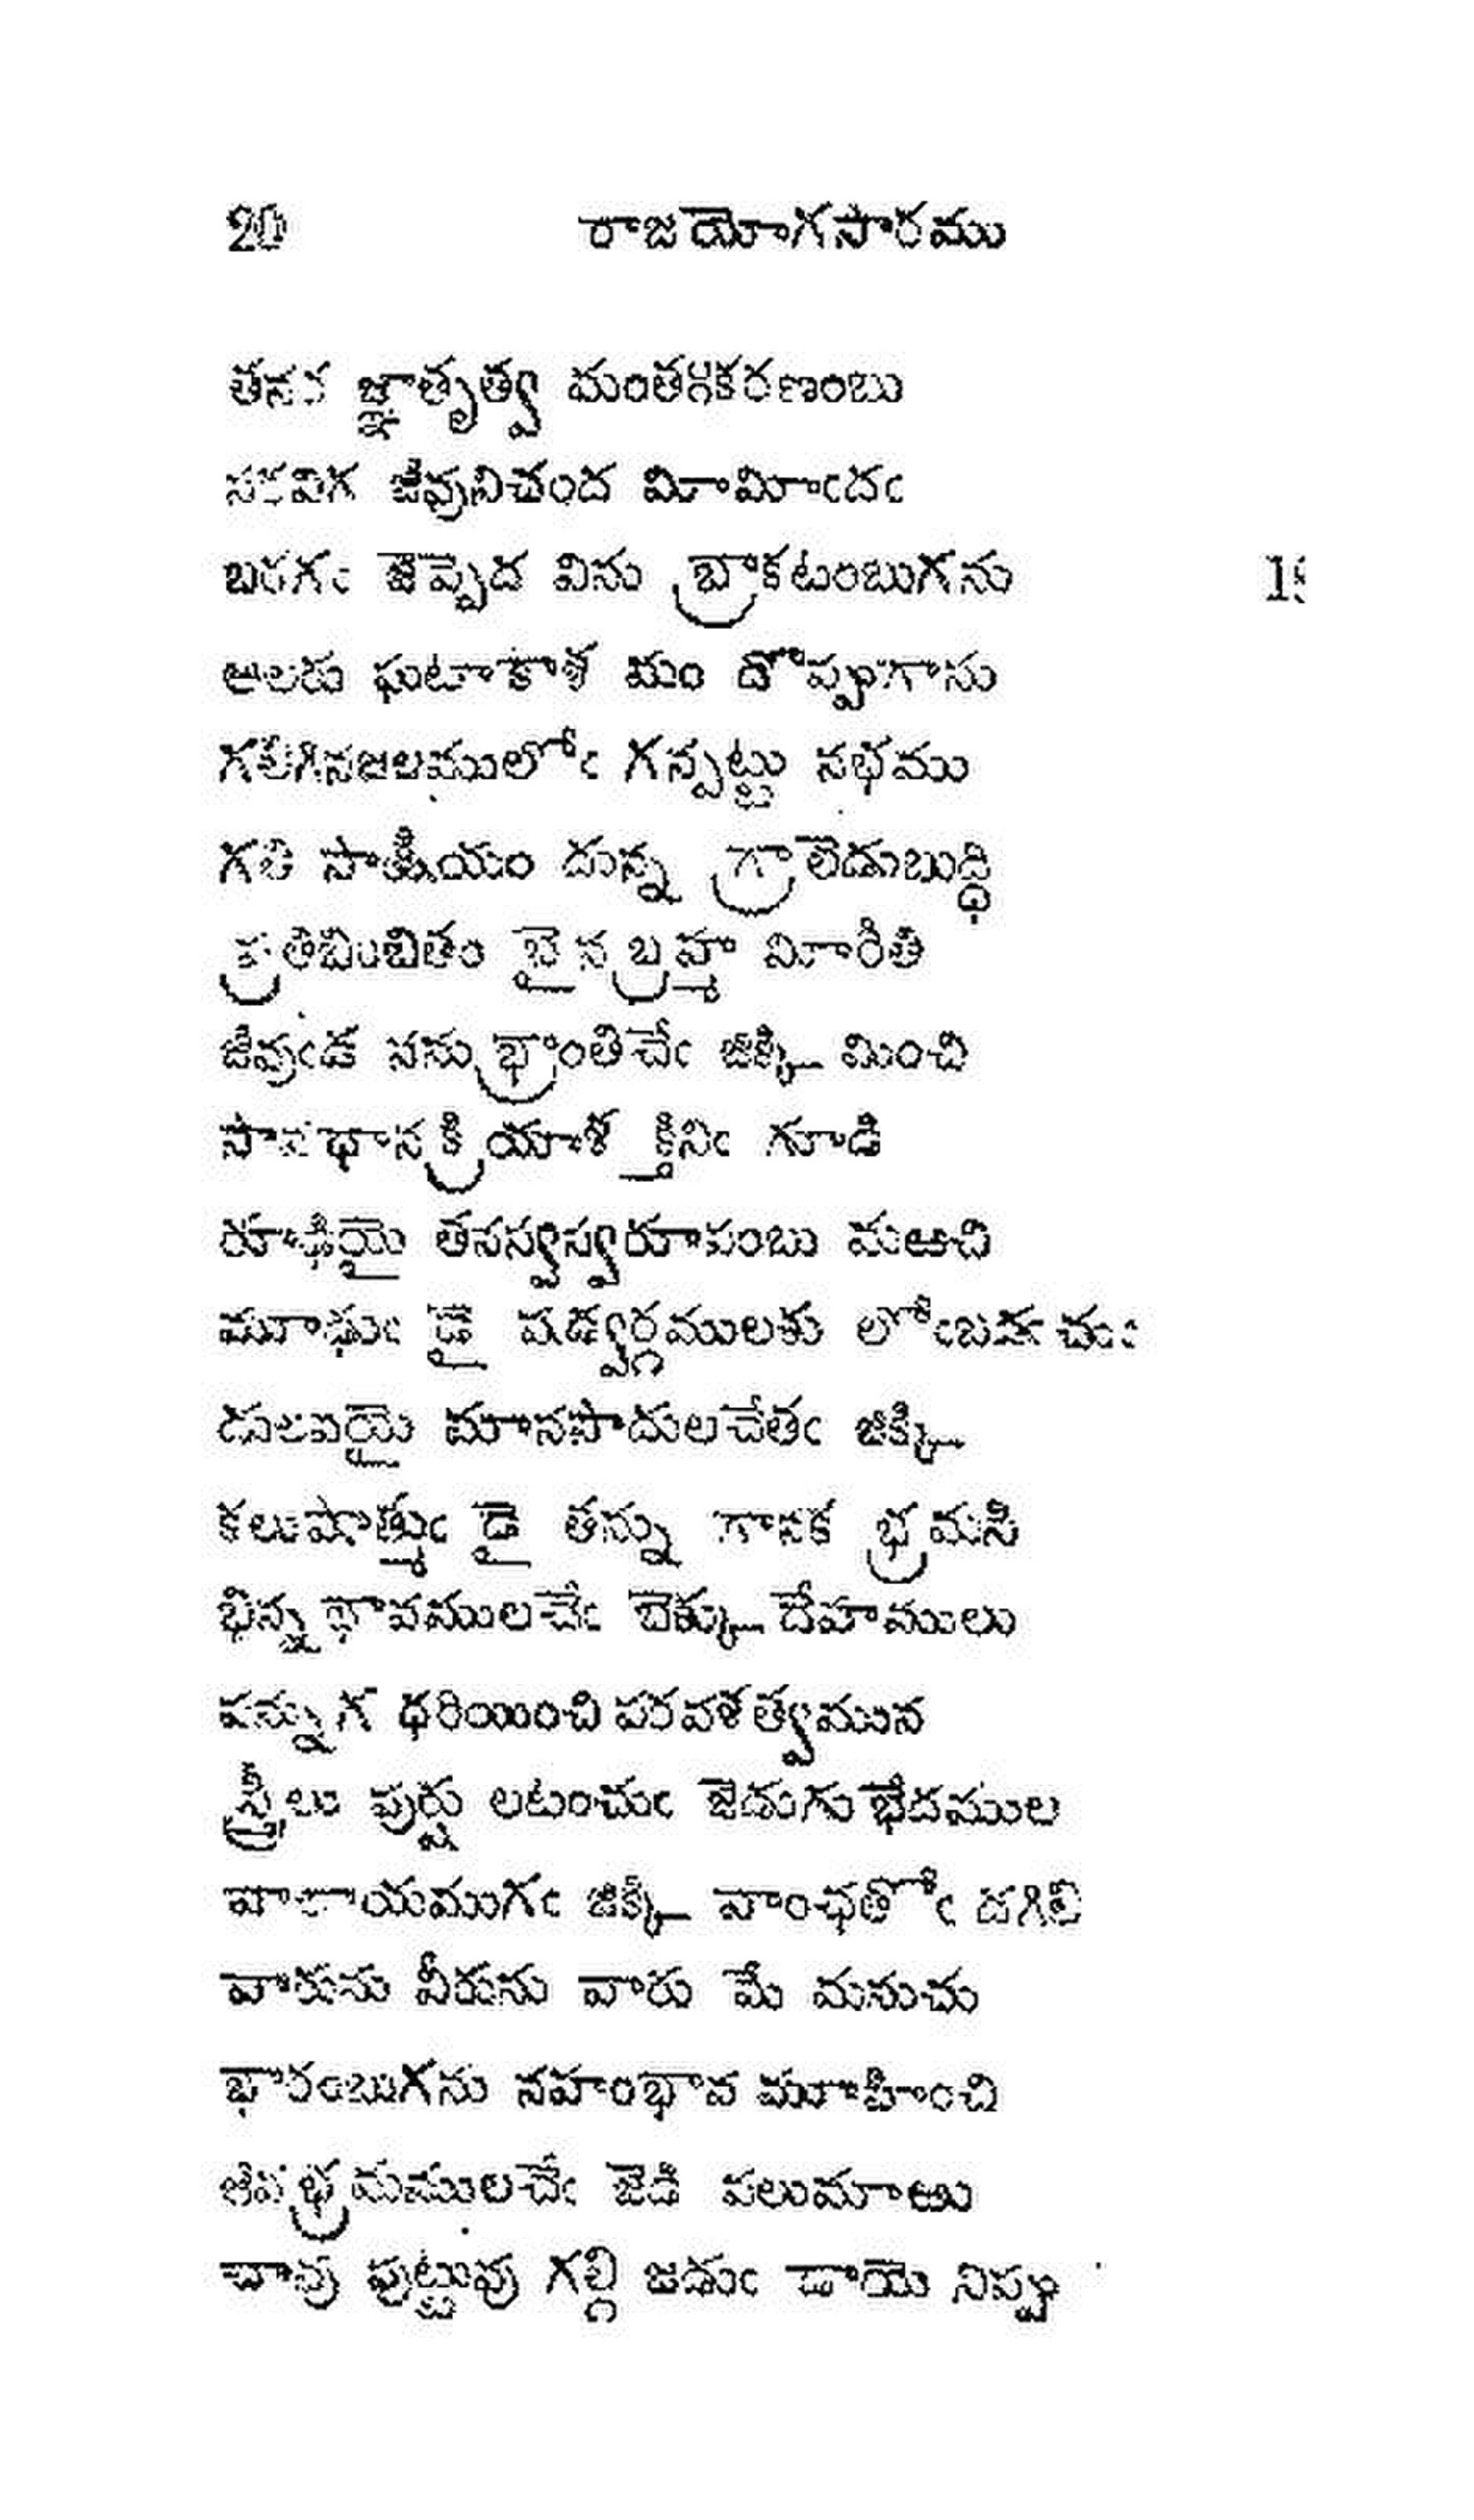తనర జ్ఞాతృత్వ మంతఃకరణంబు
సరవిగ జీవునిచంద మీమీఁదఁ
బరగ జెప్పెద విను బ్రాకటంబుగను 
అలరు ఘటాకాశ మం దొప్పుగాను
గలిగినజలములోఁ గన్పట్టు నభము
గతి సాక్షియం దున్న గ్రాలెడుబుద్ధి
ప్రతిబింబితం బైనబ్రహ్మ మీరీతి 
జీవుఁడ ననుభ్రాంతి చేఁ జిక్కి మించి
సావధానక్రియాశక్తినిఁ గూడి
రూఢియై తనస్వస్వరూపంబు మఱచి
మూఢుఁడై షడ్వర్గములకు లోబడుచుఁ
దులువయై మానసాదులచేతఁ జిక్కి,
కలుషాత్ముఁ డై తన్ను గానక భ్రమసి
భిన్నభావములచేఁ బెక్కుదేహములు
పన్నుగ ధరియించి పరవశత్వమున
స్త్రీలు పుర్షు లటంచుఁ జెడుగుభేదముల
వాలాయముగఁ జిక్కి వాంఛతోఁ దగిలి
వారును వీరును వారు మే మనుచు
భారంబుగను నహంభావ మూహించి
జీవభ్రమములచేఁ జెడి పలుమాఱు
చావు పుట్టువు గల్గి జడుఁ డాయె నిప్పు